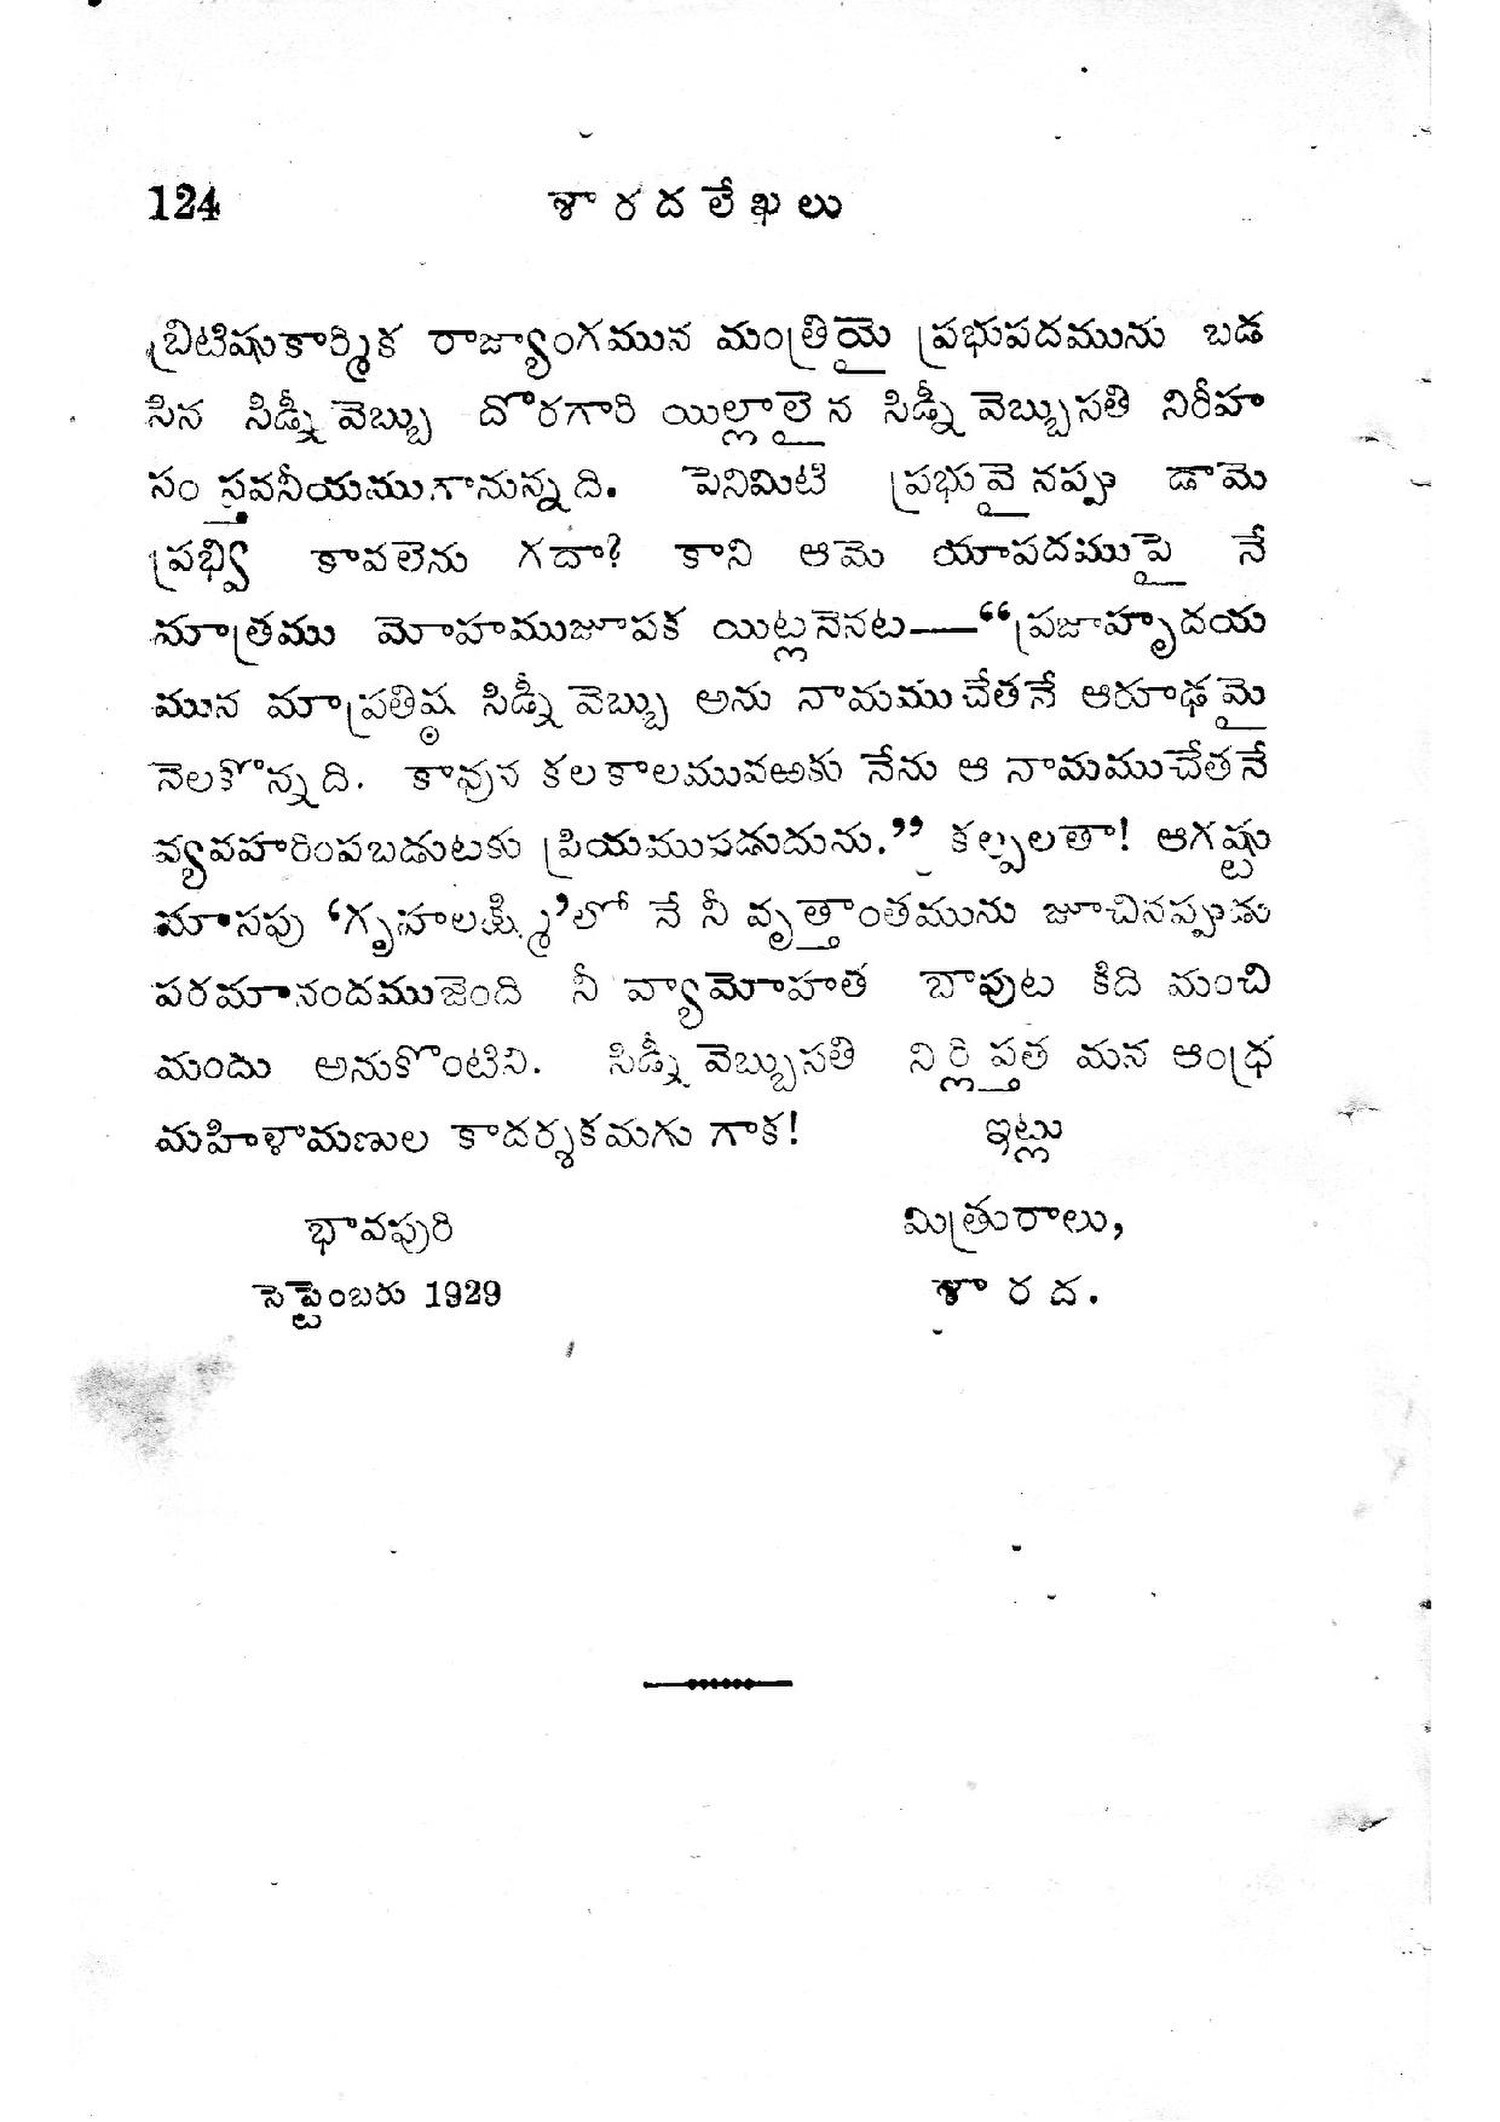బ్రిటిషుకార్మిక రాజ్యాంగమున మంత్రియై ప్రభుపదమును బడసిన సిడ్నీవెబ్బు దొరగారి యిల్లాలైన సిడ్నీ వెబ్బుసతి నిరీహ సంస్తవనీయముగానున్నది. పెనిమిటి ప్రభువైనప్పు డామె ప్రభ్వి కావలెను గదా? కాని ఆమె యాపదముపై నేమాత్రము మోహముజూపక యిట్లనెనట -"ప్రజాహృదయమున మాప్రతిష్ఠ సిడ్నీ వెబ్బు అను నామముచేతనే ఆరూఢమై నెలకొన్నది. కావున కలకాలమువఱకు నేను ఆ నామముచేతనే
వ్యవహరింపబడుటకు ప్రియముపడుదును.” కల్పలతా! ఆగష్టు మాసపు 'గృహలక్ష్మి'లో నే నీ వృత్తాంతమును జూచినప్పుడు పరమానందముజెంది నీ వ్యామోహత బాపుట కిది మంచి మందు అనుకొంటిని. సిడ్నీ వెబ్బుసతి నిర్లిప్తత మన ఆంధ్ర మహిళామణుల కాదర్శకమగు గాక!